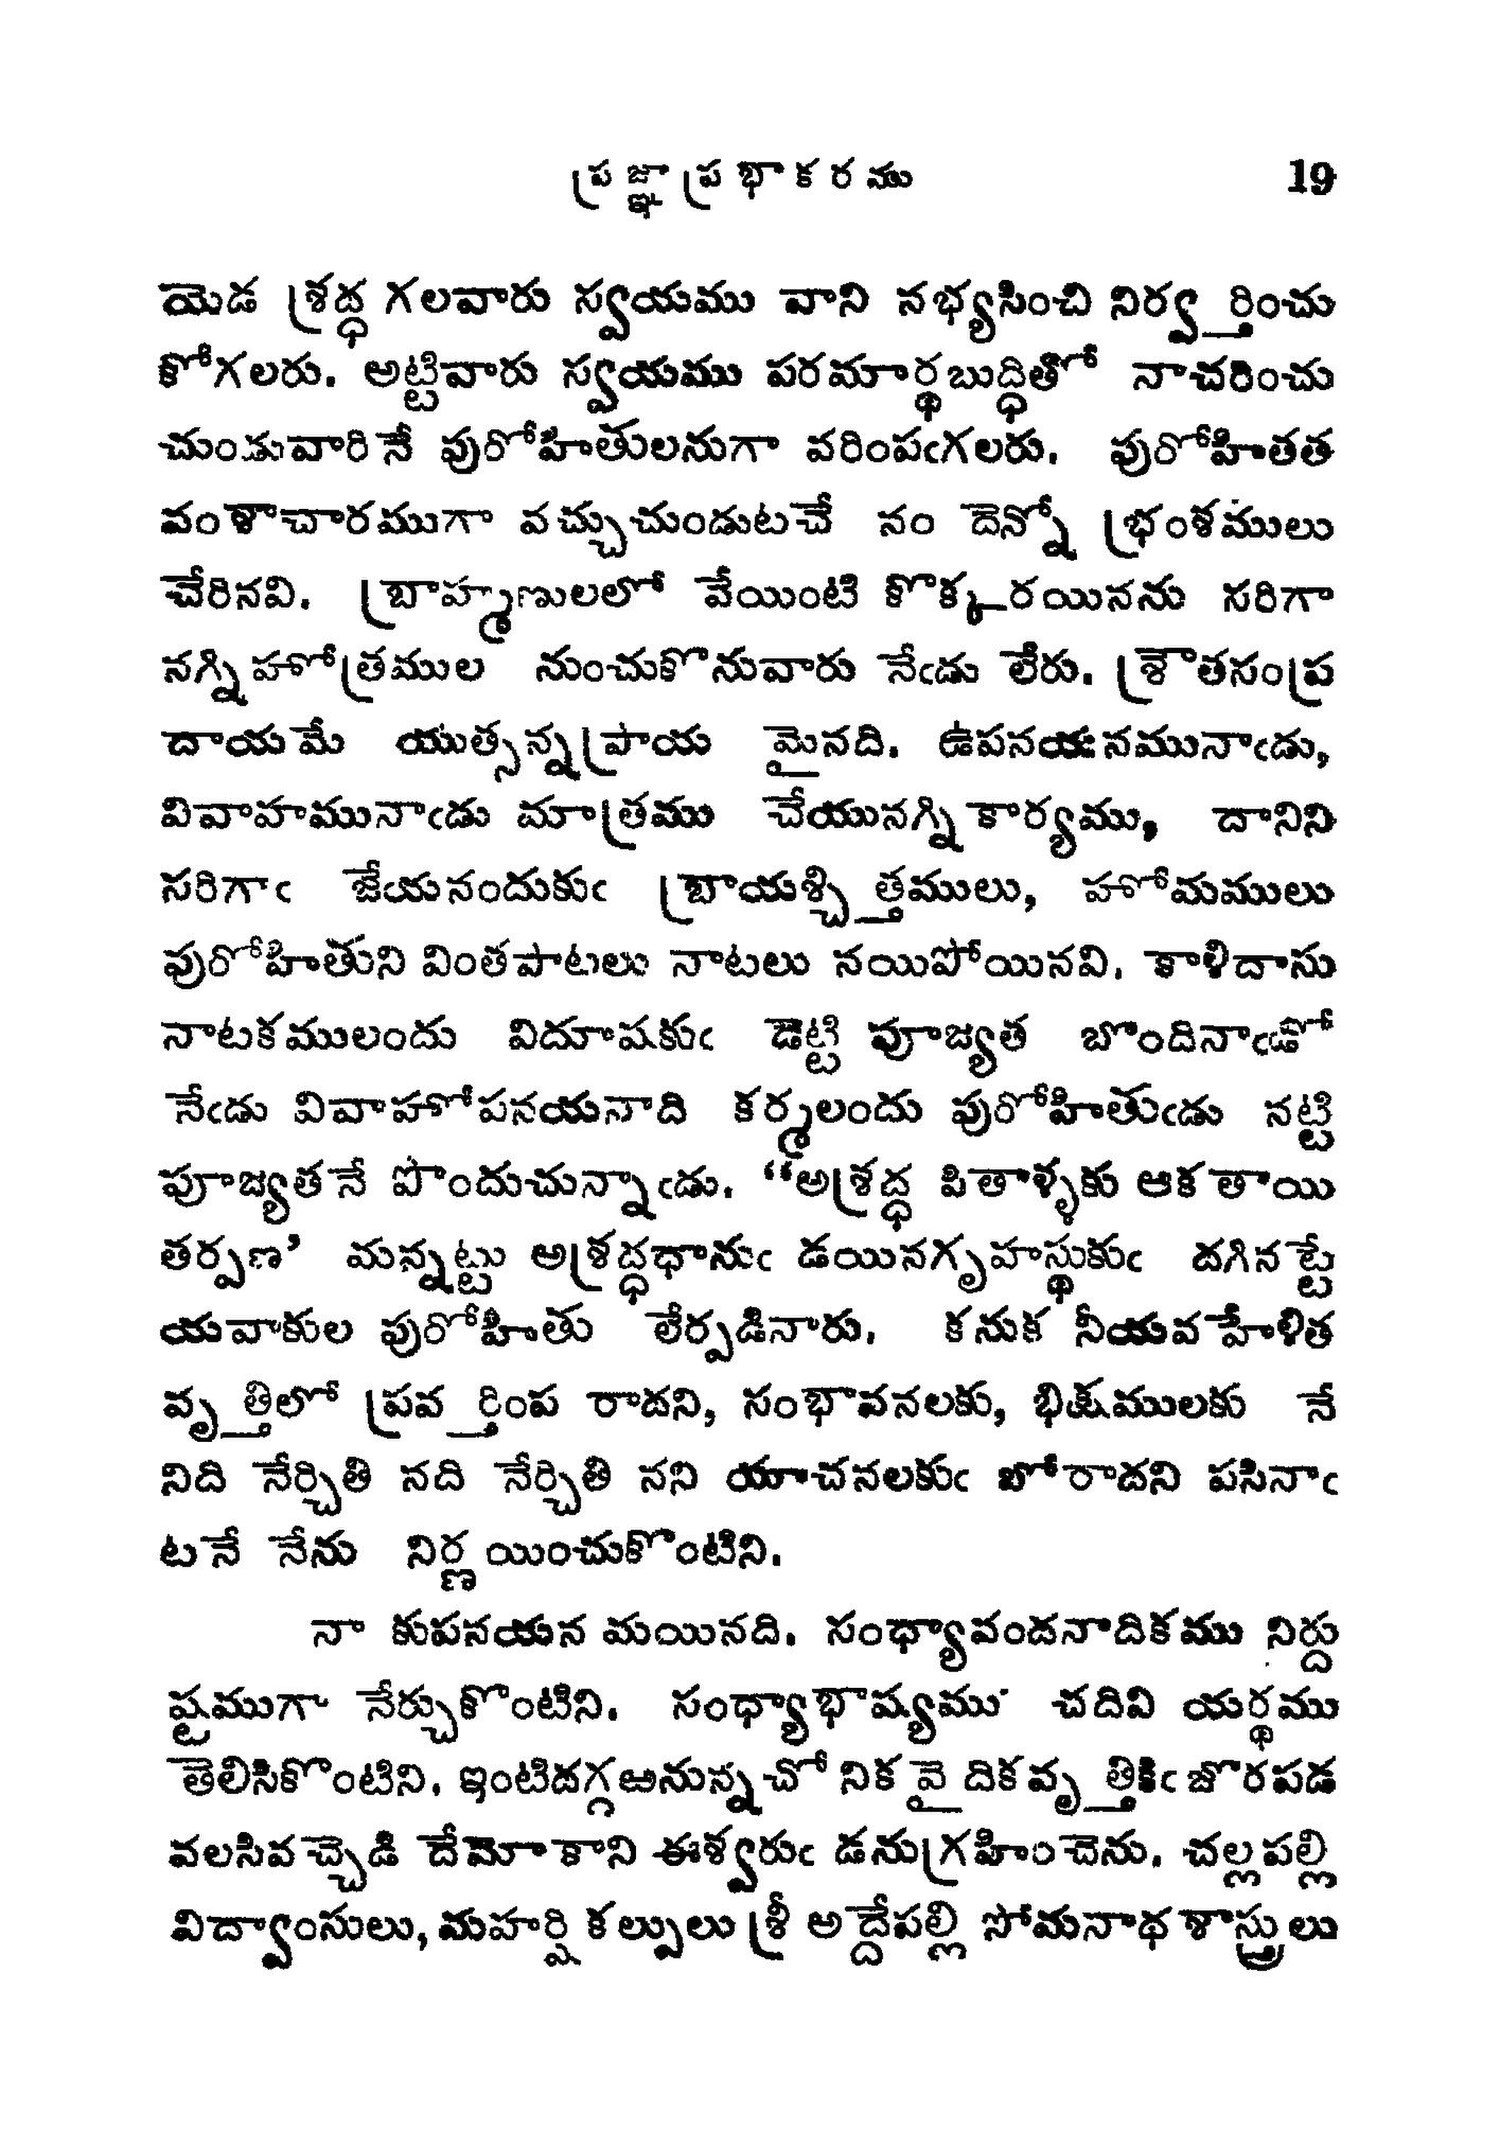యెడ శ్రద్ధ గలవారు స్వయము వాని నభ్యసించి నిర్వర్తించు కోగలరు. అట్టివారు స్వయము పరమార్ధబుద్ధితో నాచరించుచుండువారినే పురోహితులను వరింపఁ గలరు. పురోహితత వంశాచారముగా వచ్చుచుండుట చేనం దెన్నో భ్రంశములు చేరినవి, బ్రాహ్మణులలో వేయింటి కోక్కరయినను సరిగా నగ్నిహోత్రముల నంచుకొనువారు నేఁ డు లేరు. శ్రౌతసంప్రదాయమే యుత్సన్న ప్రాయ మైనది. ఉపనయనమునాఁడు, వివాహమునాఁడు మాత్రము చేయునగ్ని కార్యము, దానిని సరిగాఁ జేయనందుకుఁ బ్రాయశ్చిత్తములు, హోమములు పురోహితును వింత పాటలు నటలు నయిపోయినవి, కాళిదాసు నాటకములందు విదూషకుఁ డెట్టి పూజ్యత బొందినాఁడో నేఁడు వివాహోపనయనాది కర్మలందు పురోహితుఁ డు నట్టి పూజ్యతనే పొందుచున్నాఁడు." అశ్రద్ధపితాళ్ళకు ఆకతాయి తర్పణ' మన్నట్టు ఆశ్రద్ధదానుఁ డయిన గృహస్థుకుఁ దగినట్టే యవాకుల పురోహితు లేర్పడినారు. కనుక నీయవహేళిత వృత్తిలో ప్రవర్తింపరాదని, సంభావనలకు, భిక్షములకు నేనిది నేర్చితి నది నేర్చితి నని యాచనలకుఁ బోరాదని పసినాఁటనే నేను నిర్ణయించు కొంటిని.

నా కుపనయన మయినది. సంధ్యావందనాదికము నిర్దుష్టముగా నేర్చుకొంటిని. సంధ్యాభాష్యము చదివి యర్ధము తెలిసికొంటిని. ఇంటిదగ్గఱనున్నచో నిక వైదిక వృత్తికిఁ జోరపడవలసి వచ్చెడి దేమో కాని ఈశ్వరుఁ డను గ్రహించెను. చల్లపల్లి విద్వాంసులు, మహర్షి కల్పులు శ్రీ అద్దేపల్లి సోమనాధశాస్త్రులు